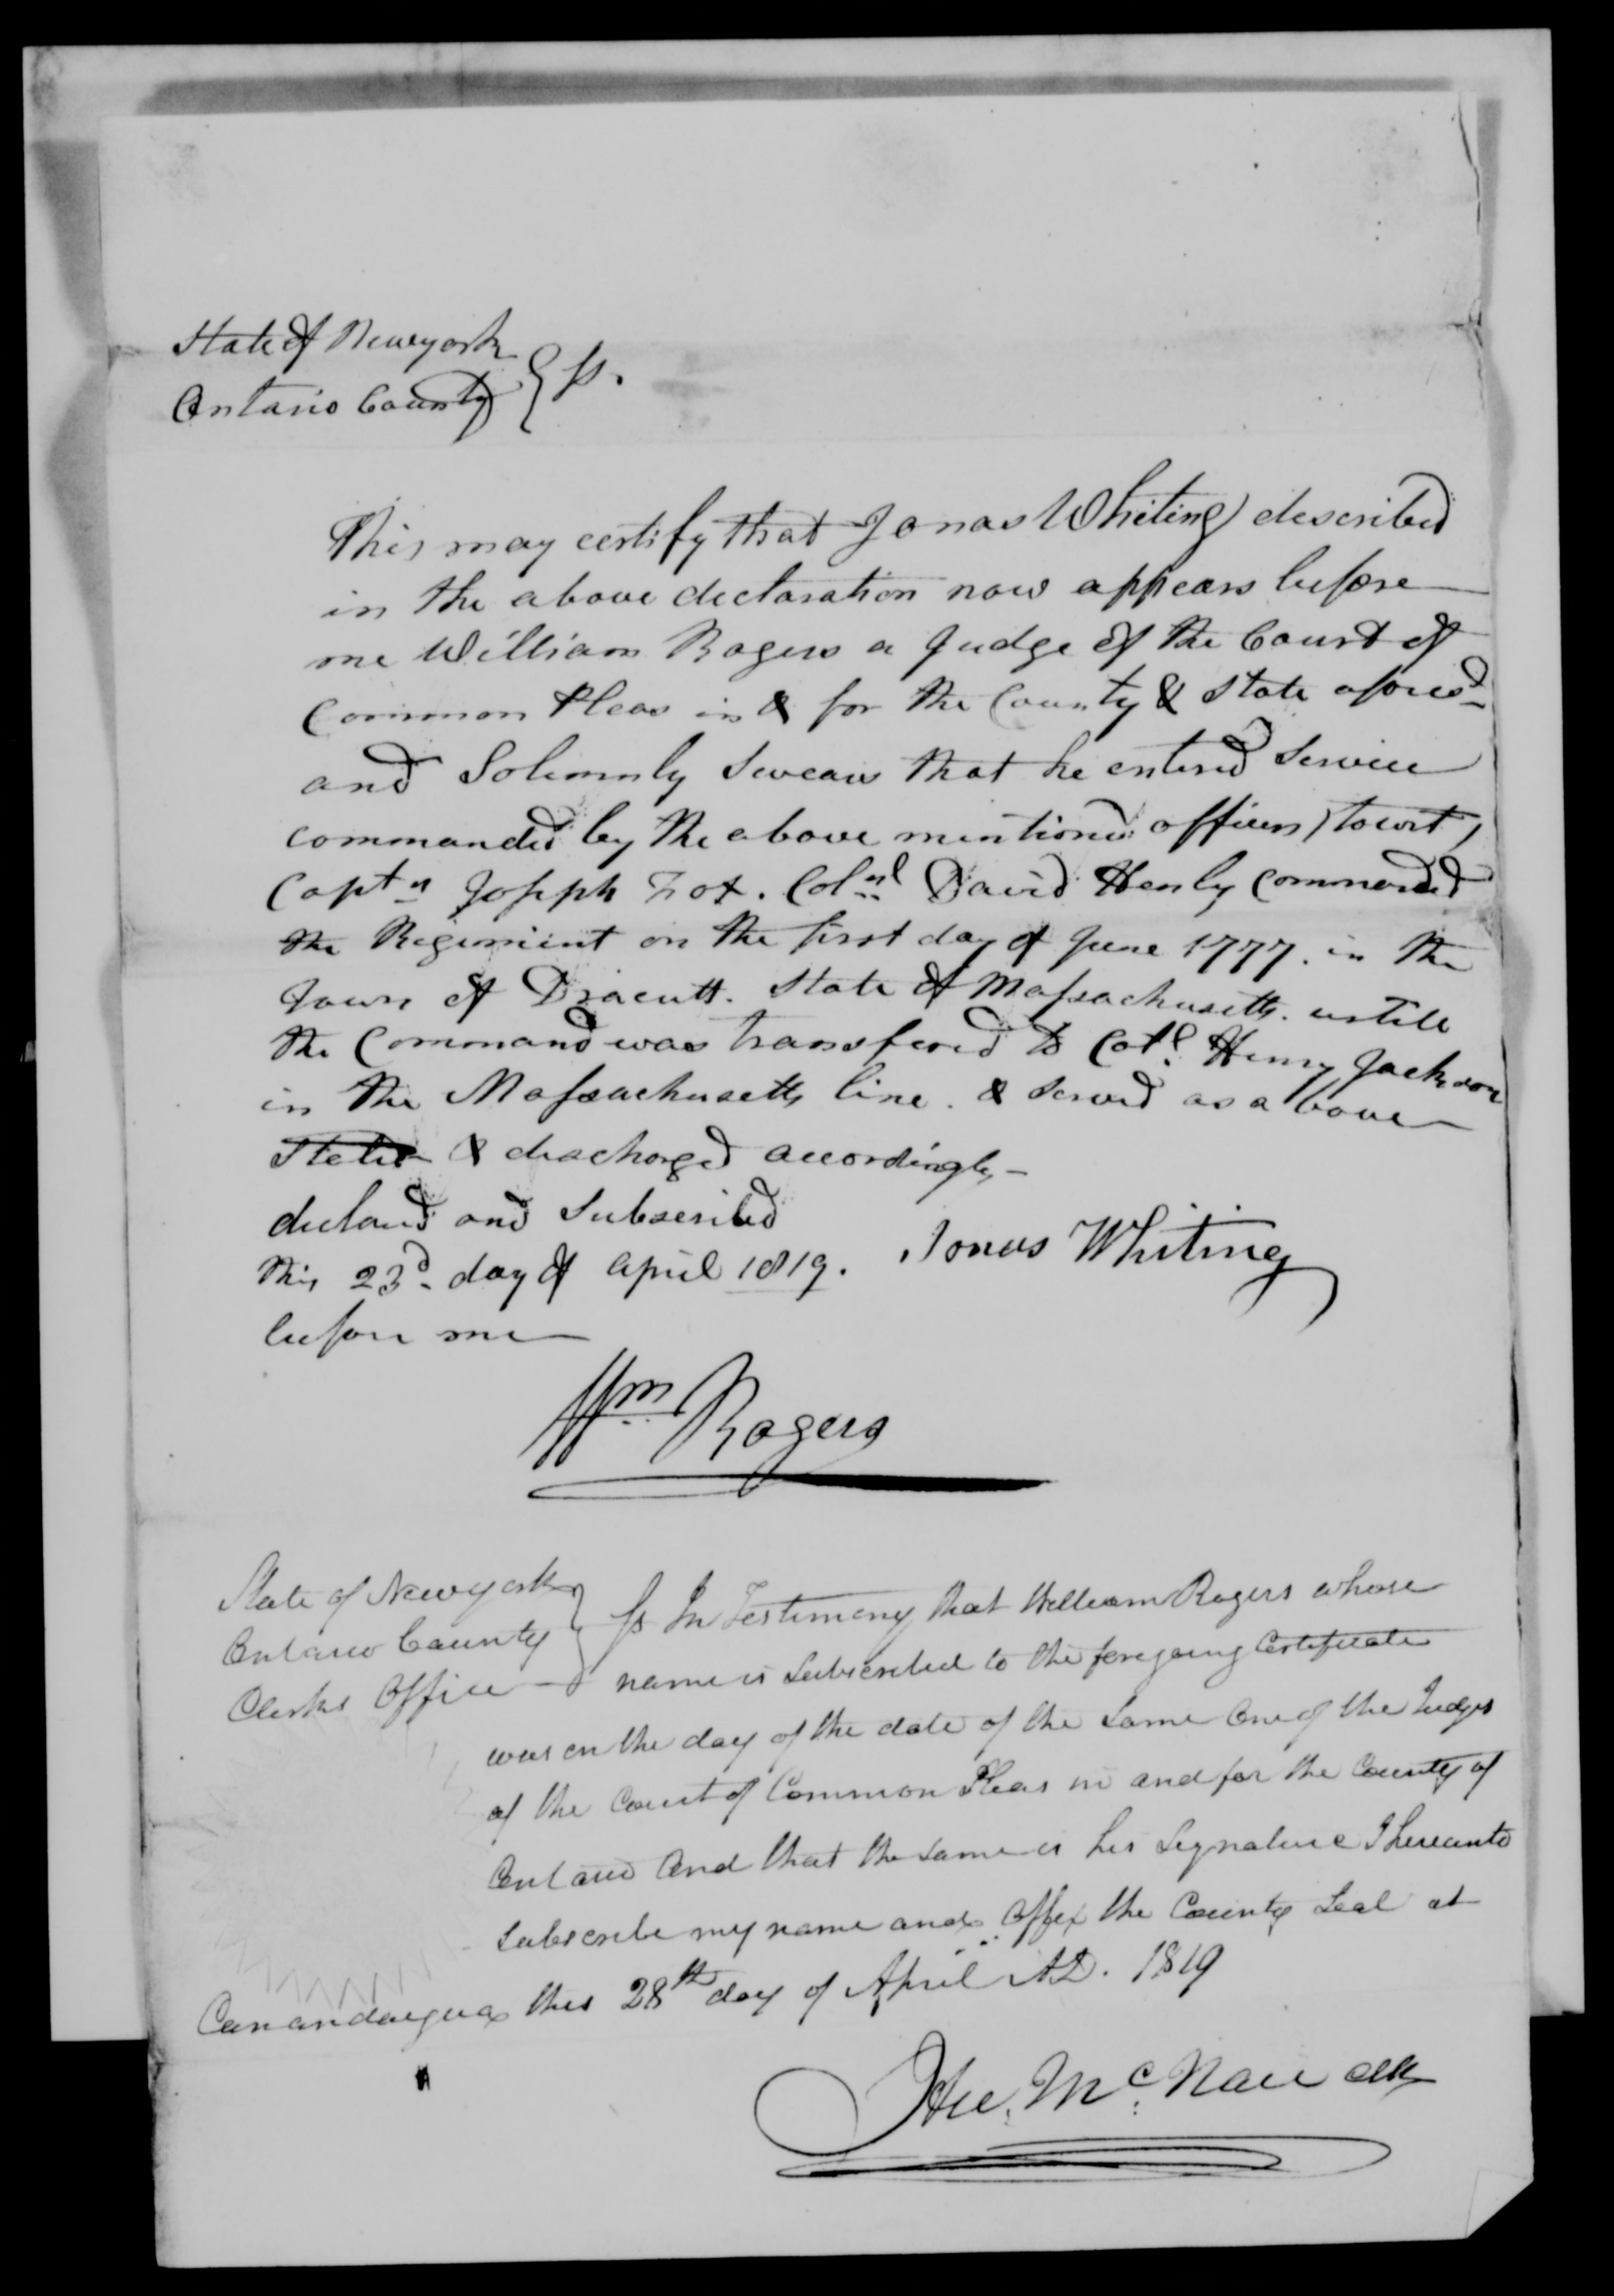State of Newyork
Ontario County SS
This may certify that Jonas Whiting described in the above declaration now appears before me William Rogers a Judge of the Court of Common Pleas in & for the County & state aforesaid and solemnly swears that he entered service commanded by the above mentioned officers to wit, Captn. Joseph Fox, Colnl. David Henley commanded the Regiment on the first day of June 1777 in the Town of Dracutt State of Massachusetts untill the command was transfered to Col. Henry Jackson in the Massachusetts line & served as above stated & discharged accordingly.
Jonas Whiting
declared and subscribed this 23d day of April 1819 before me 
Wm. Rogers

State of Newyork
Ontario County SS
Clerks Office  
In testimony that William Rogers whose name is subscribed to the foregoing certificate was on the day of the date of the same one of the Judges of the Court of Common Pleas in and for the county of Ontario and that the same is his signature. I hereunto subscribe my name and affix the County Seal at Canandaigua this 28th day of April A. D. 1819
H.W. McNair clk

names: Jonas Whiting, David Henly, William Rogers, Henry Jackson, Hu Mc Narr, Joseph Fox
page: 6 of 22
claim: survivor's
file: S. 43298, Jonas Whiting, Mass.